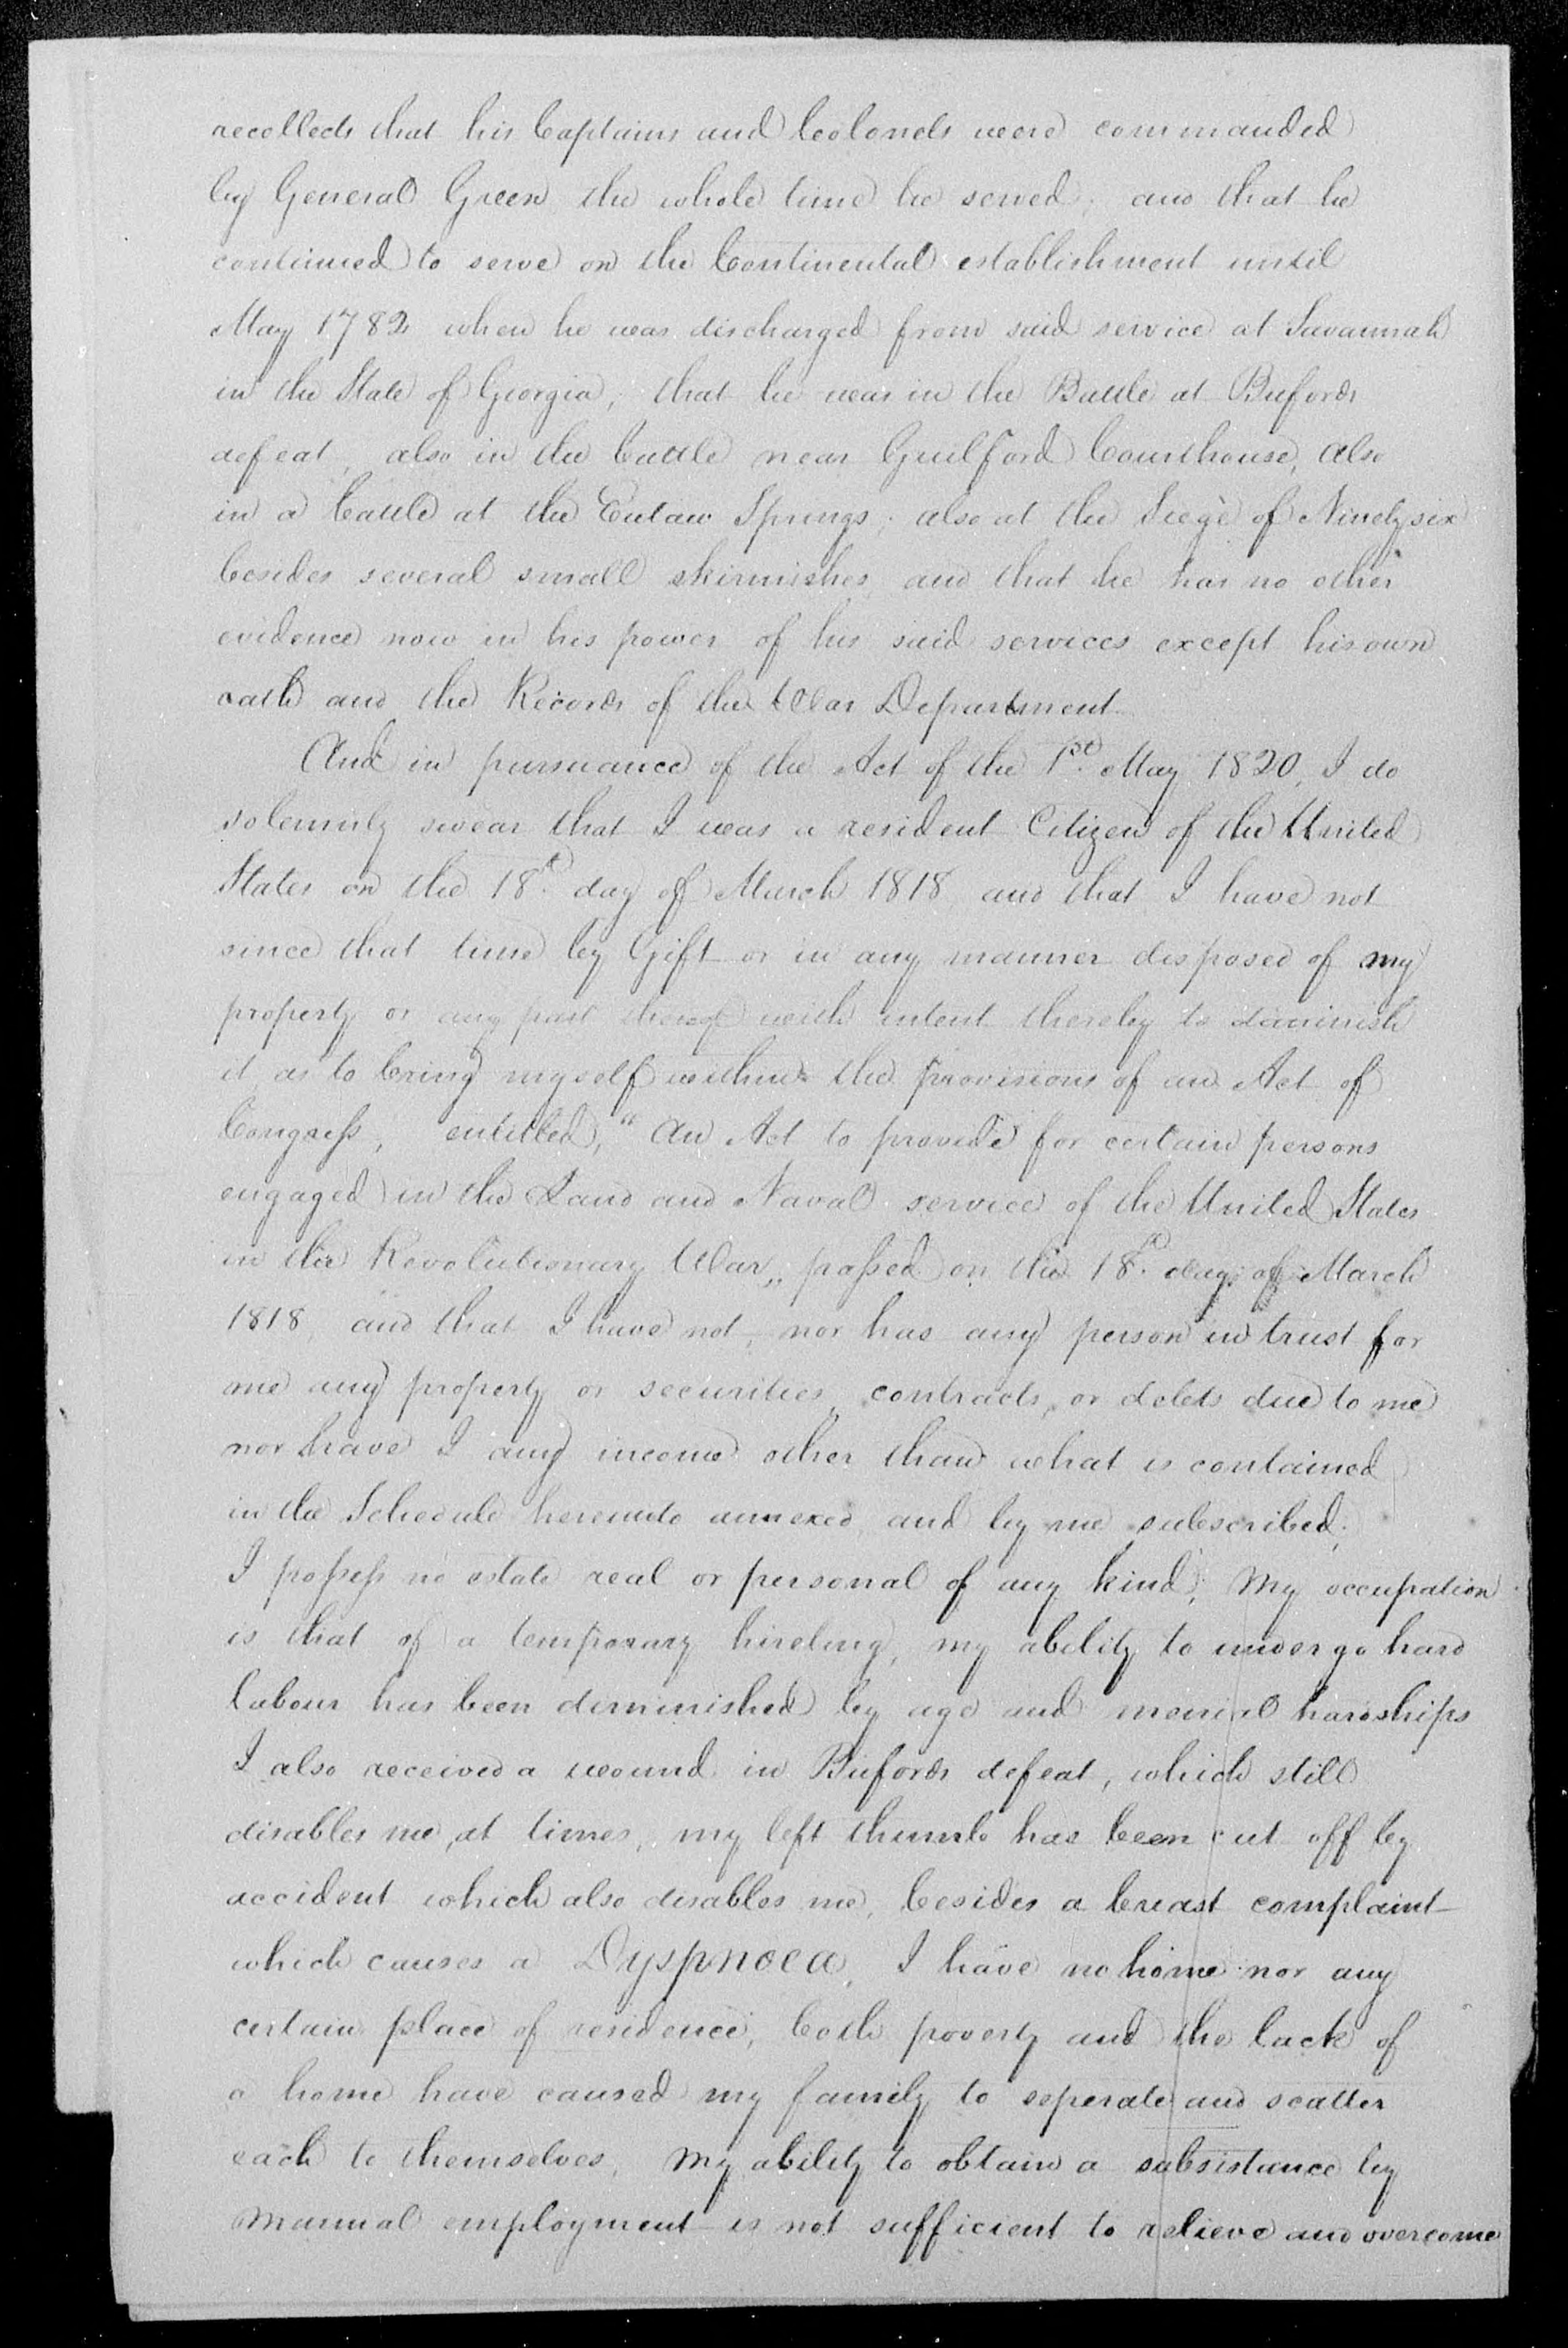recollects that his Captains and Colonels were commanded by General Green the whole time he served, and that he continued to serve on the Continental establishment until May 1782 when he was discharged from said service at Savannah in the State of Georgia; that he was in the Battle at Bufords defeat, also in the battle near Guilford Courthouse, also in a battle at the Eutaw Springs, also at the Siege of Ninetysix besides several small skirmishes, and that he has no other evidence now in his power of his said services except his own oath and the Records of the War Department 
And in pursuance of the Act of the 1st May 1820, I do solemnly swear that I was a resident Citizen of the United States on the 18th day of March 1818 and that I have not since that time by Gift or in any manner disposed of my property or any part thereof with intent thereby to diminish it as to bring myself within the provisions of an Act of Congress, entitled, “An Act to provide for certain persons engaged in the Land and Naval service of the United States in the Revolutionary War” passed on the 18th day of March 1818, and that I have not nor has any person in trust for me any property or securities, contracts, or debts due to me nor have I any income other than what is contained in the Schedule herewith annexed, and by me subscribed: I possess no estate real or personal of any kind. My occupation is that of a temporary hireling, my ability to undergo hard labour [labor] has been diminished by age and [illegible] hardships I also received a wound in Bufords defeat, which still disables me at time, my left thumb has been cut off by accident which also disable me, besides a breast complaint which causes a Dyspnoea. I have no home nor any certain place of residence, both poverty and the lack of a home have caused my family to separate and scatter each to themselves, my ability to obtain a subsistence by manual employment is not sufficient to relieve and overcome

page: 14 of 33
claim: widow's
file: W. 550, for Leonard Hutts, Virginia